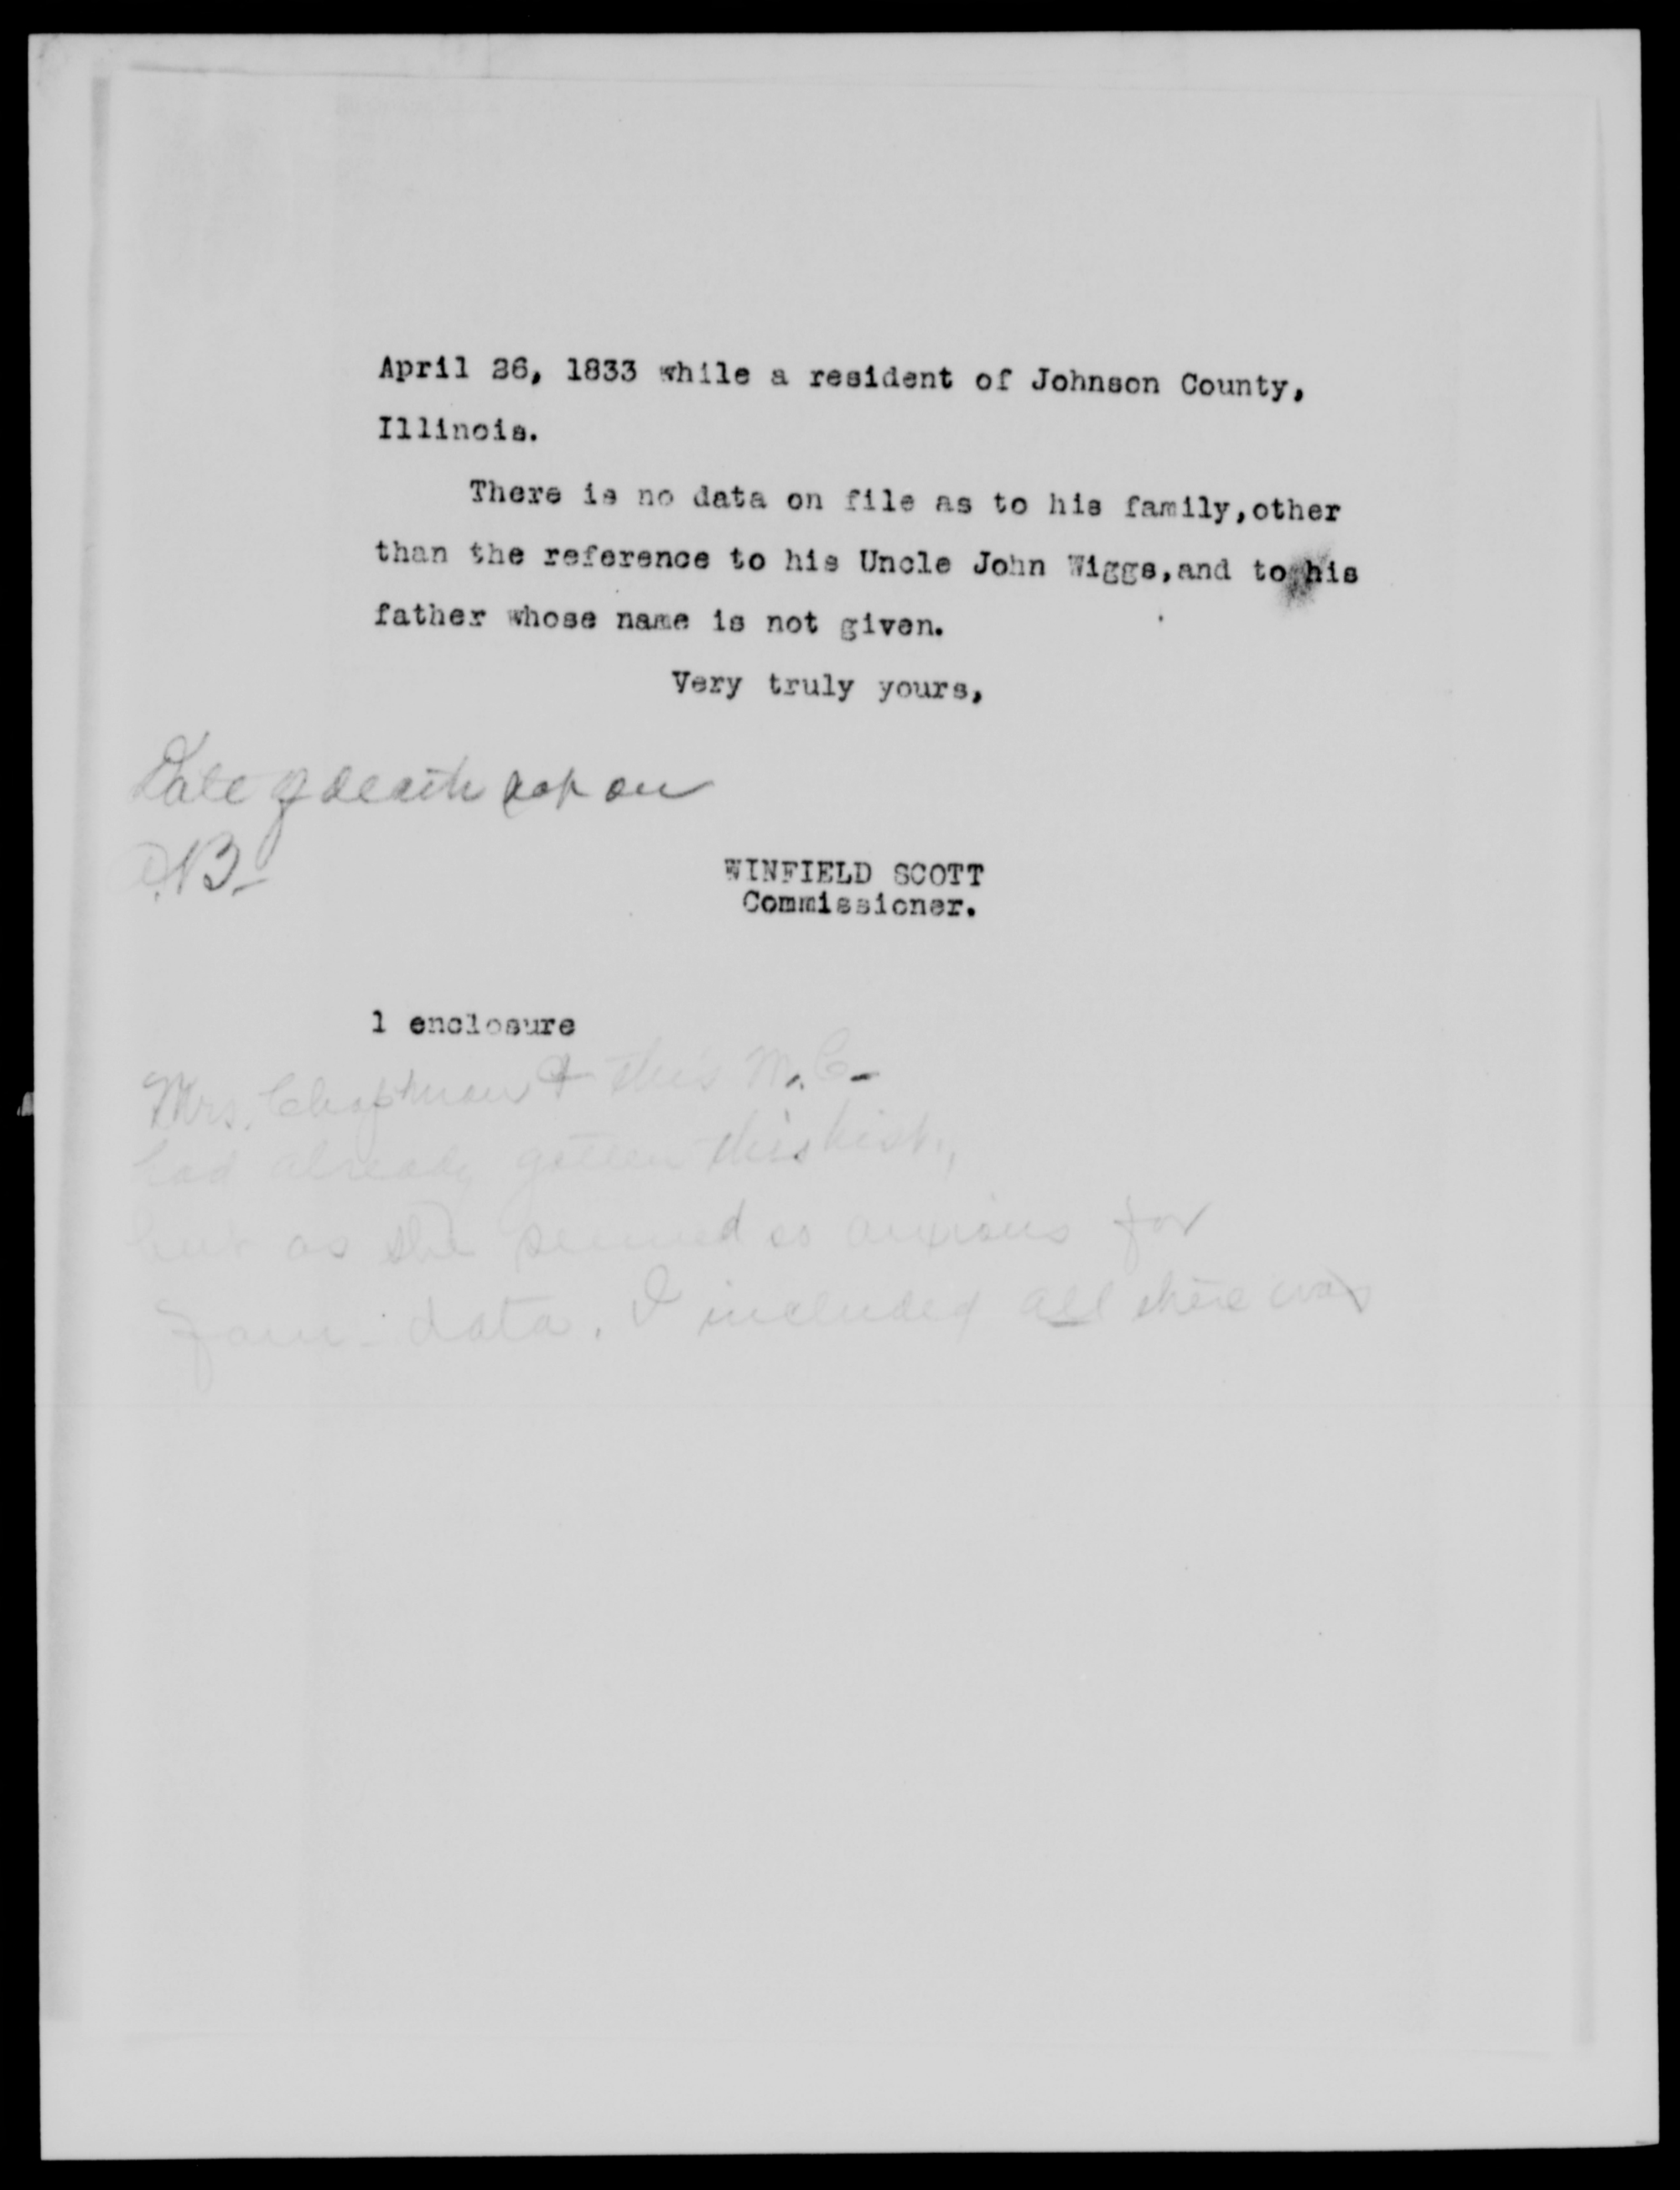April 26, 1833 while a resident of Johnson County, Illinois.
There is no data on file as to his family, other
than the reference to his Uncle John Wiggs, and to father whose name is not given.
Very truly yours,

Date of death not on
 At 3
 
WINFIELD SCOTT
Commissioner.

1 enclosure

Mrs Chapmen & this NC
had gotten this hist.
but as she seemed so anxious for
fam. data, I included all there was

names: John Wiggs, Winfield Scott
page: 12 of 31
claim: survivor's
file: S. 32608, William Wiggs, N.C.